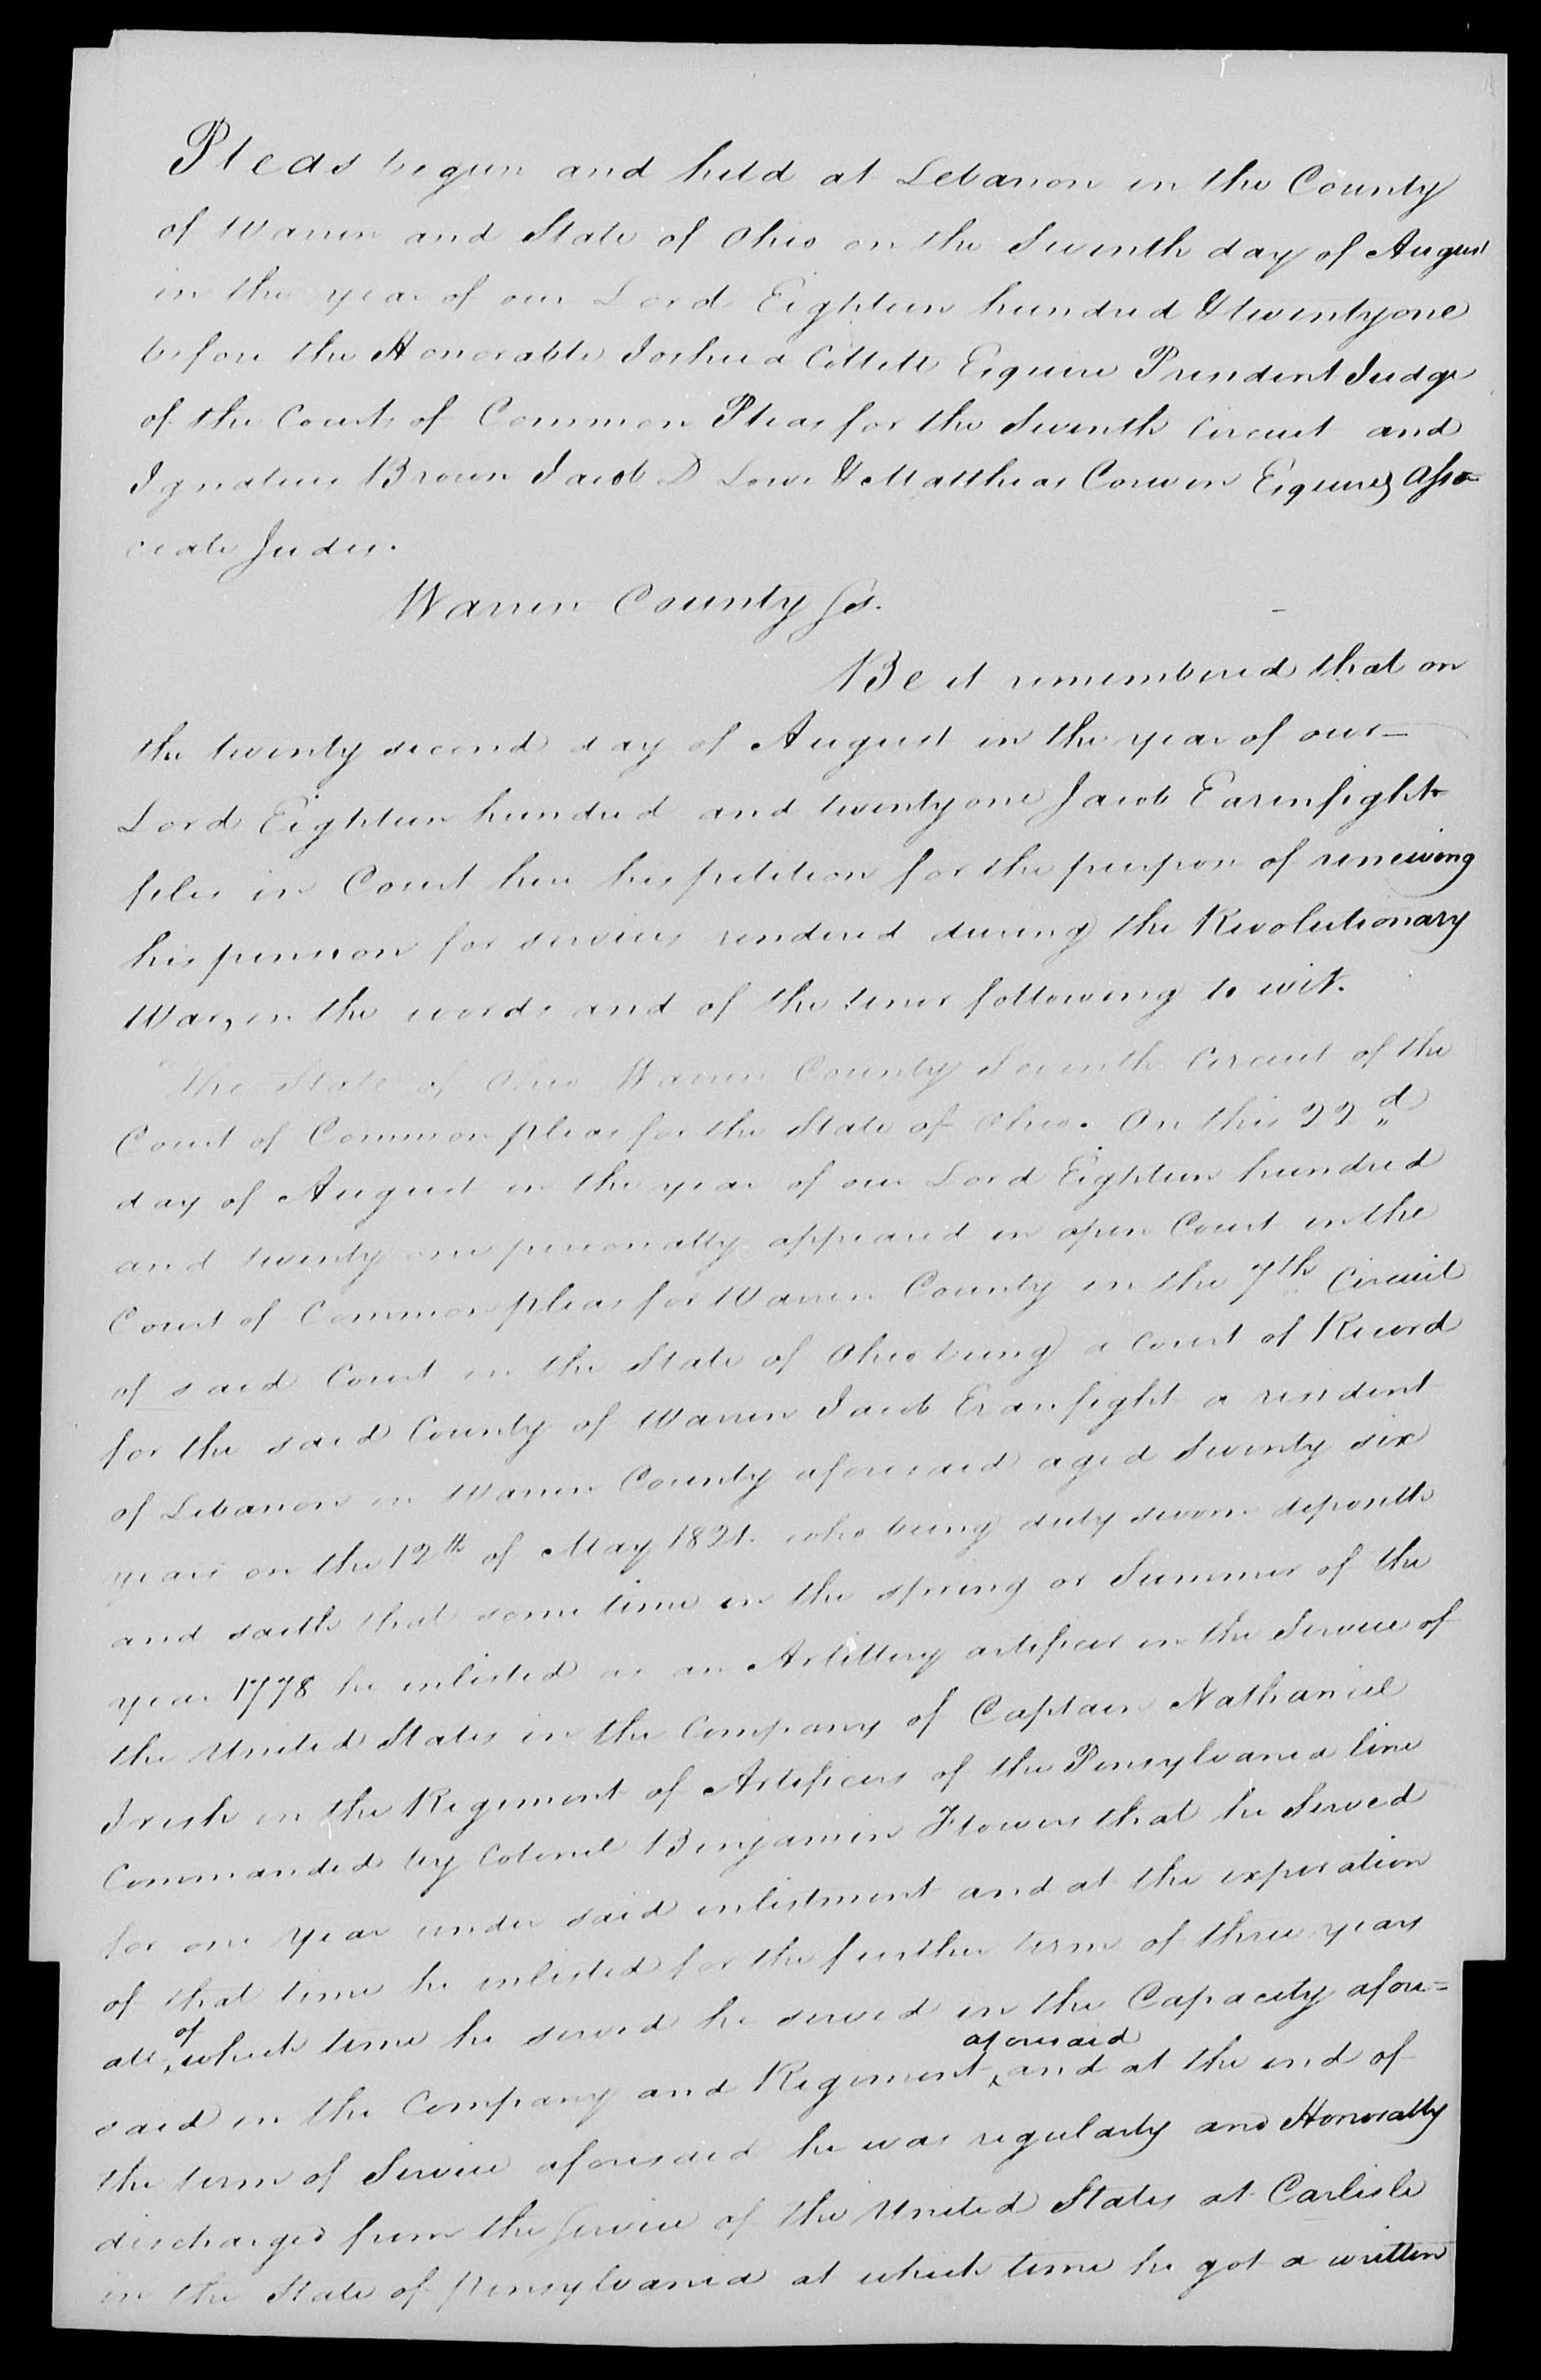Pleas begun and held at Lebanon in the County
of Warren and State of Ohio on the Seventh day of August
in the year of our Lord Eighteen hundred + twenty one
before the Honorable Joshua Collett Erguin President Judge
of the Courts of Common Pleas for Seventh circuit and
Ignatius Brown Jacob D Lowe + Matthias Corwin Esquires associate
Judes.
    Warren County Gs
             Be it remembered that on
the twenty second day of August in the year of our
Lord Eighteen hundred and twenty one Jacob Earenfight
files in Court here his petition for the purpose of renewing
his pension for services rendered during the Revolutionary
War, in the words and of the uner following to wit.
 The State of Ohio Warren County Seventh Circuit of the
Court of Common pleas for the State of Ohio. On the 22.d
day of August in the year of our Lord Eighteen hundred
and twenty one personally appeared in open court in the
Court of Common please for Warren County in the 7th Circuit
of said court inthe State of Ohio being a court of Record
for the said County of Warren Jacob Eranfight a resident
of Lebanon in Warren County aforesaid aged twenty six
years on the 12th of May 1821 who being duly sworn deposits
and saith that some time in the spring or summer of the
year 1778 he enlisted as an Artillery artificer in the Service of
the United States in the company of Captain Nathaniel
Irish in the Regiment of Artificers of the Pensylvania line
commanded by Colonel Benjamin Flowers that he served
for one year under said enlistment and at the expiration
of that time he enlisted for the further term of three years
all ^of which time he served he served in the Capacity aforesaid 
in the company and Regiment ^aforesaid and at the end of
the term of service aforesaid he was regularly and Honorably
discharged from the service of the United States at Carlisle
in the State of  Pensylvania at which time he got a written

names: Ignatius Brown, Jacob Earenfight, Benjamin Flowers, Nathaniel Irish, Joshua Collett, Jacob D Low, Matthias Corwin, Jacob Earenfight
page: 7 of 21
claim: survivor's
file: S. 42691, Jacob Earenfight, Continental Ohio Residence And Agency